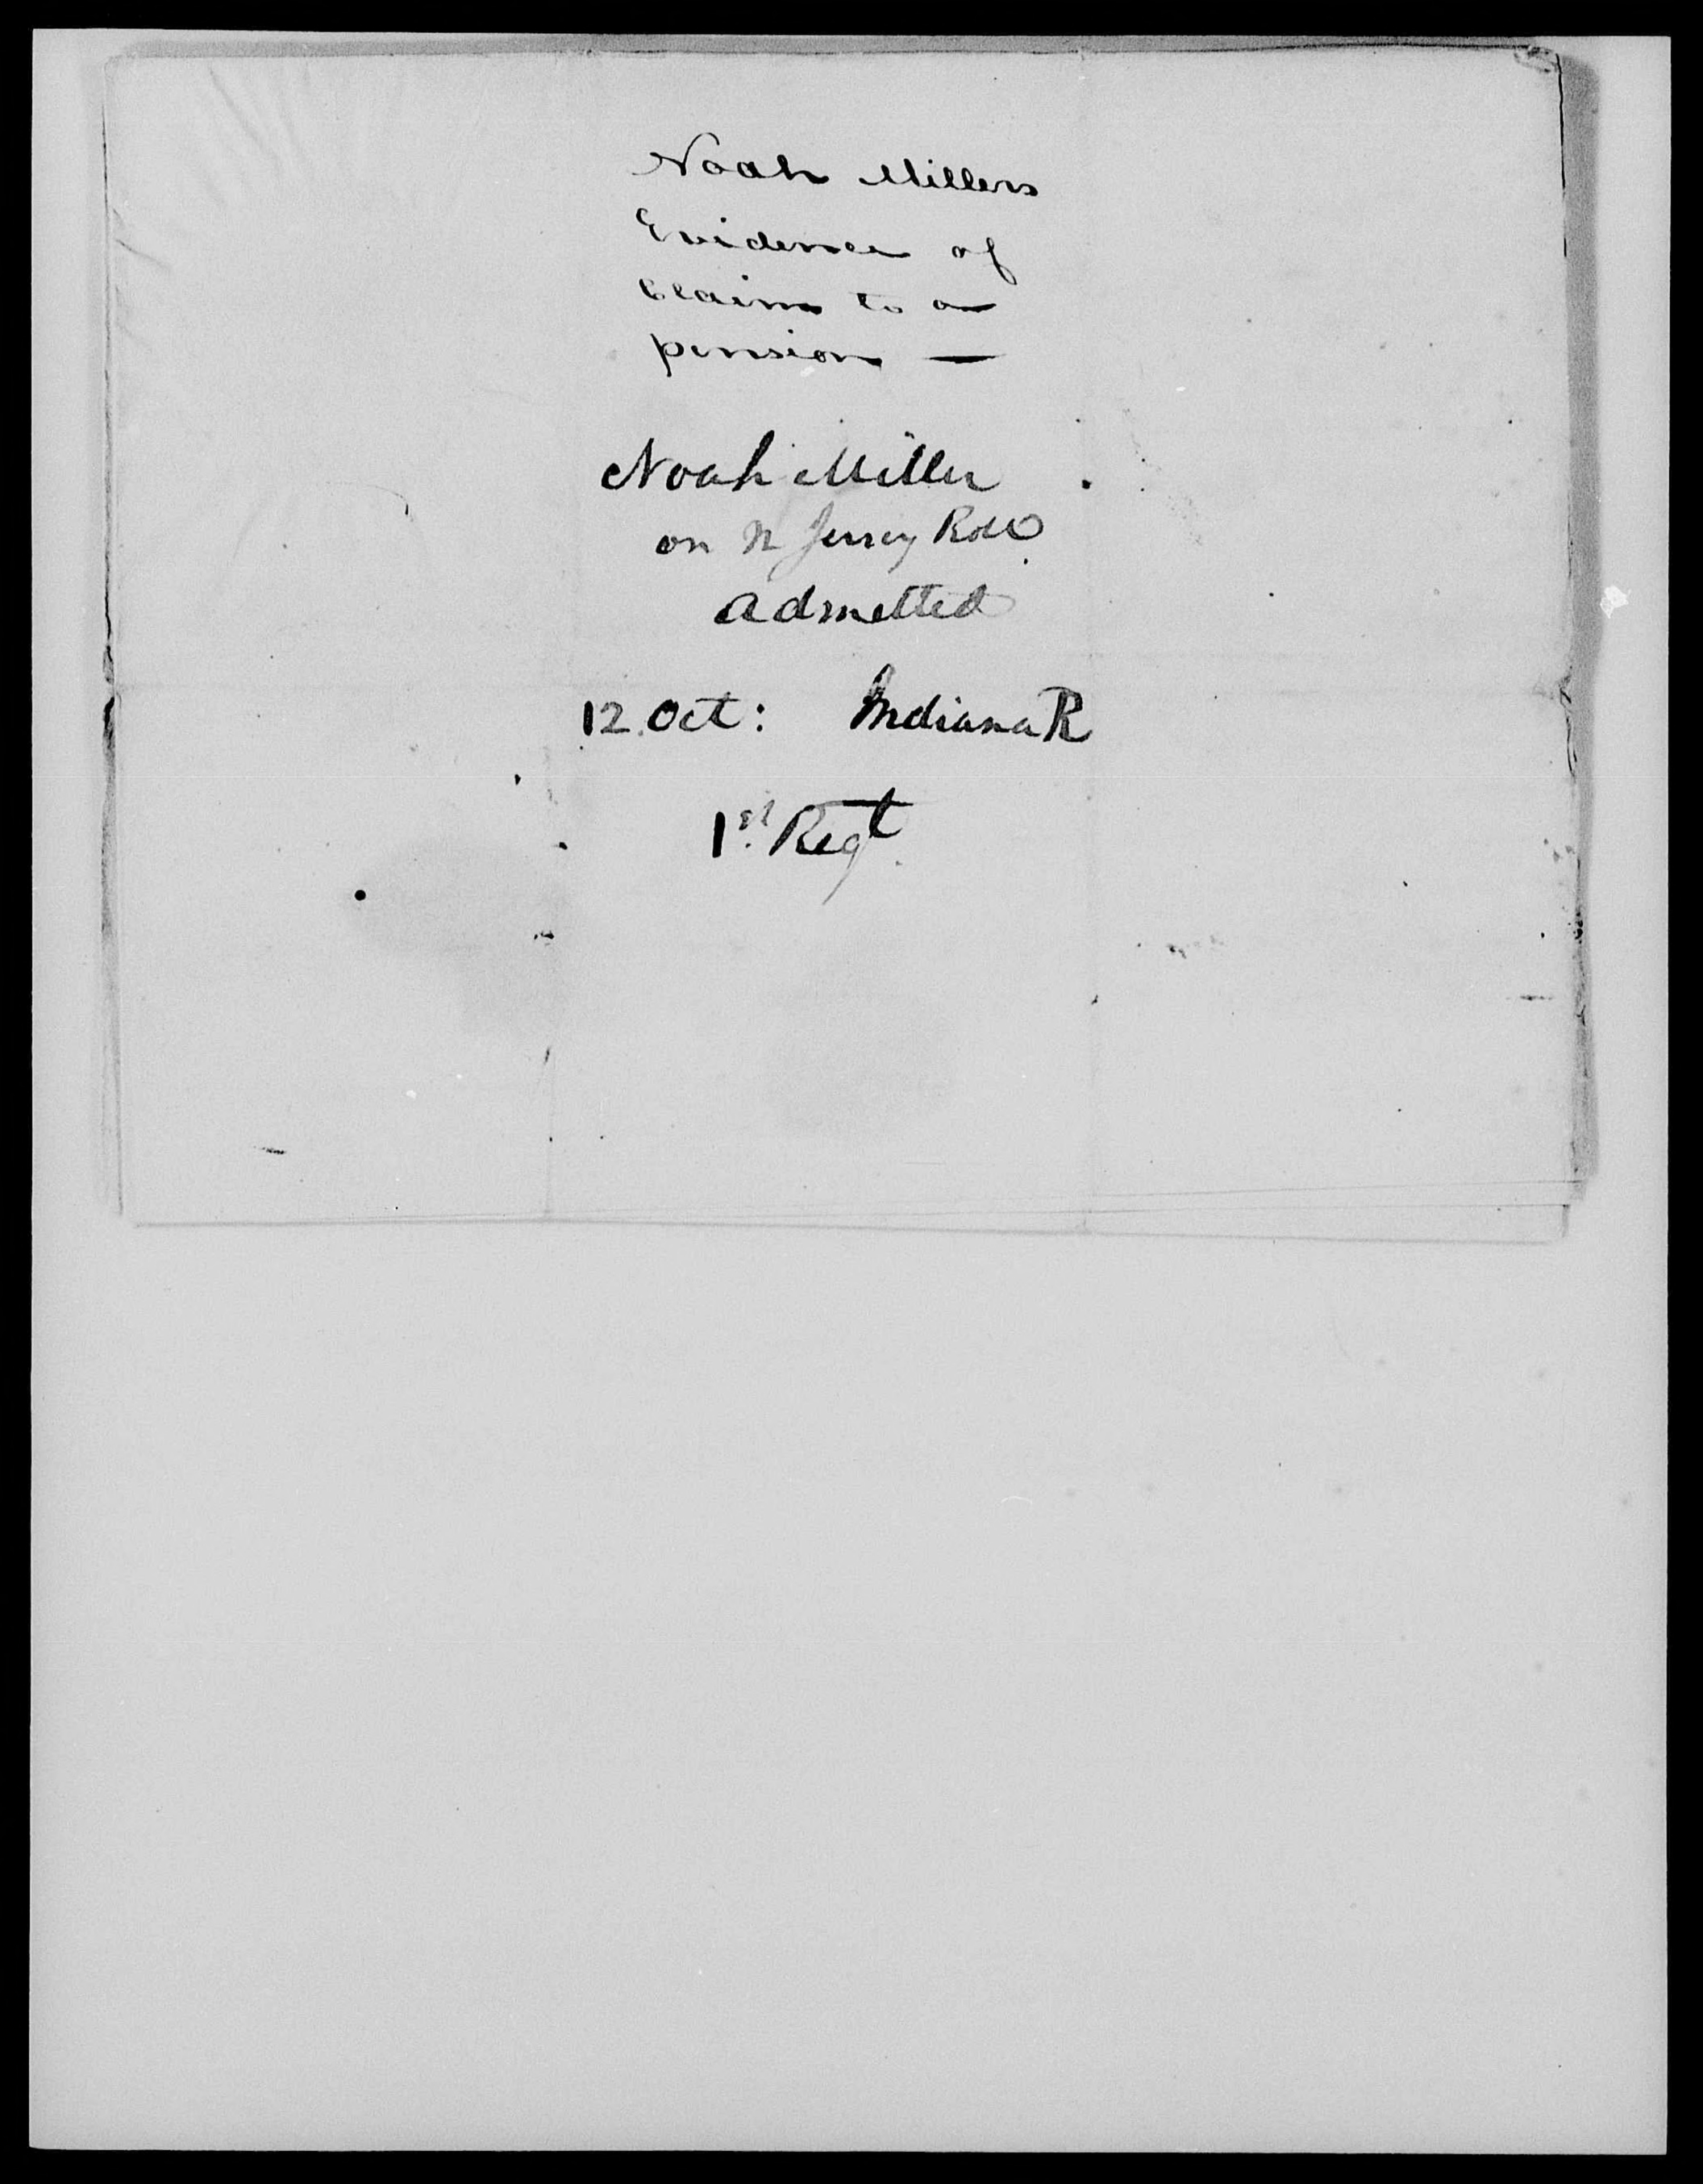Noah Miller
Evidence of Claim to a Pension

Noah Miller
On N. Jersey Roll
Admitted
12 Oct:  Indiana R
1st Regt.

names: Noah Miller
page: 3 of 20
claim: survivor's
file: S. 36129, for Noah Miller, New Jersey